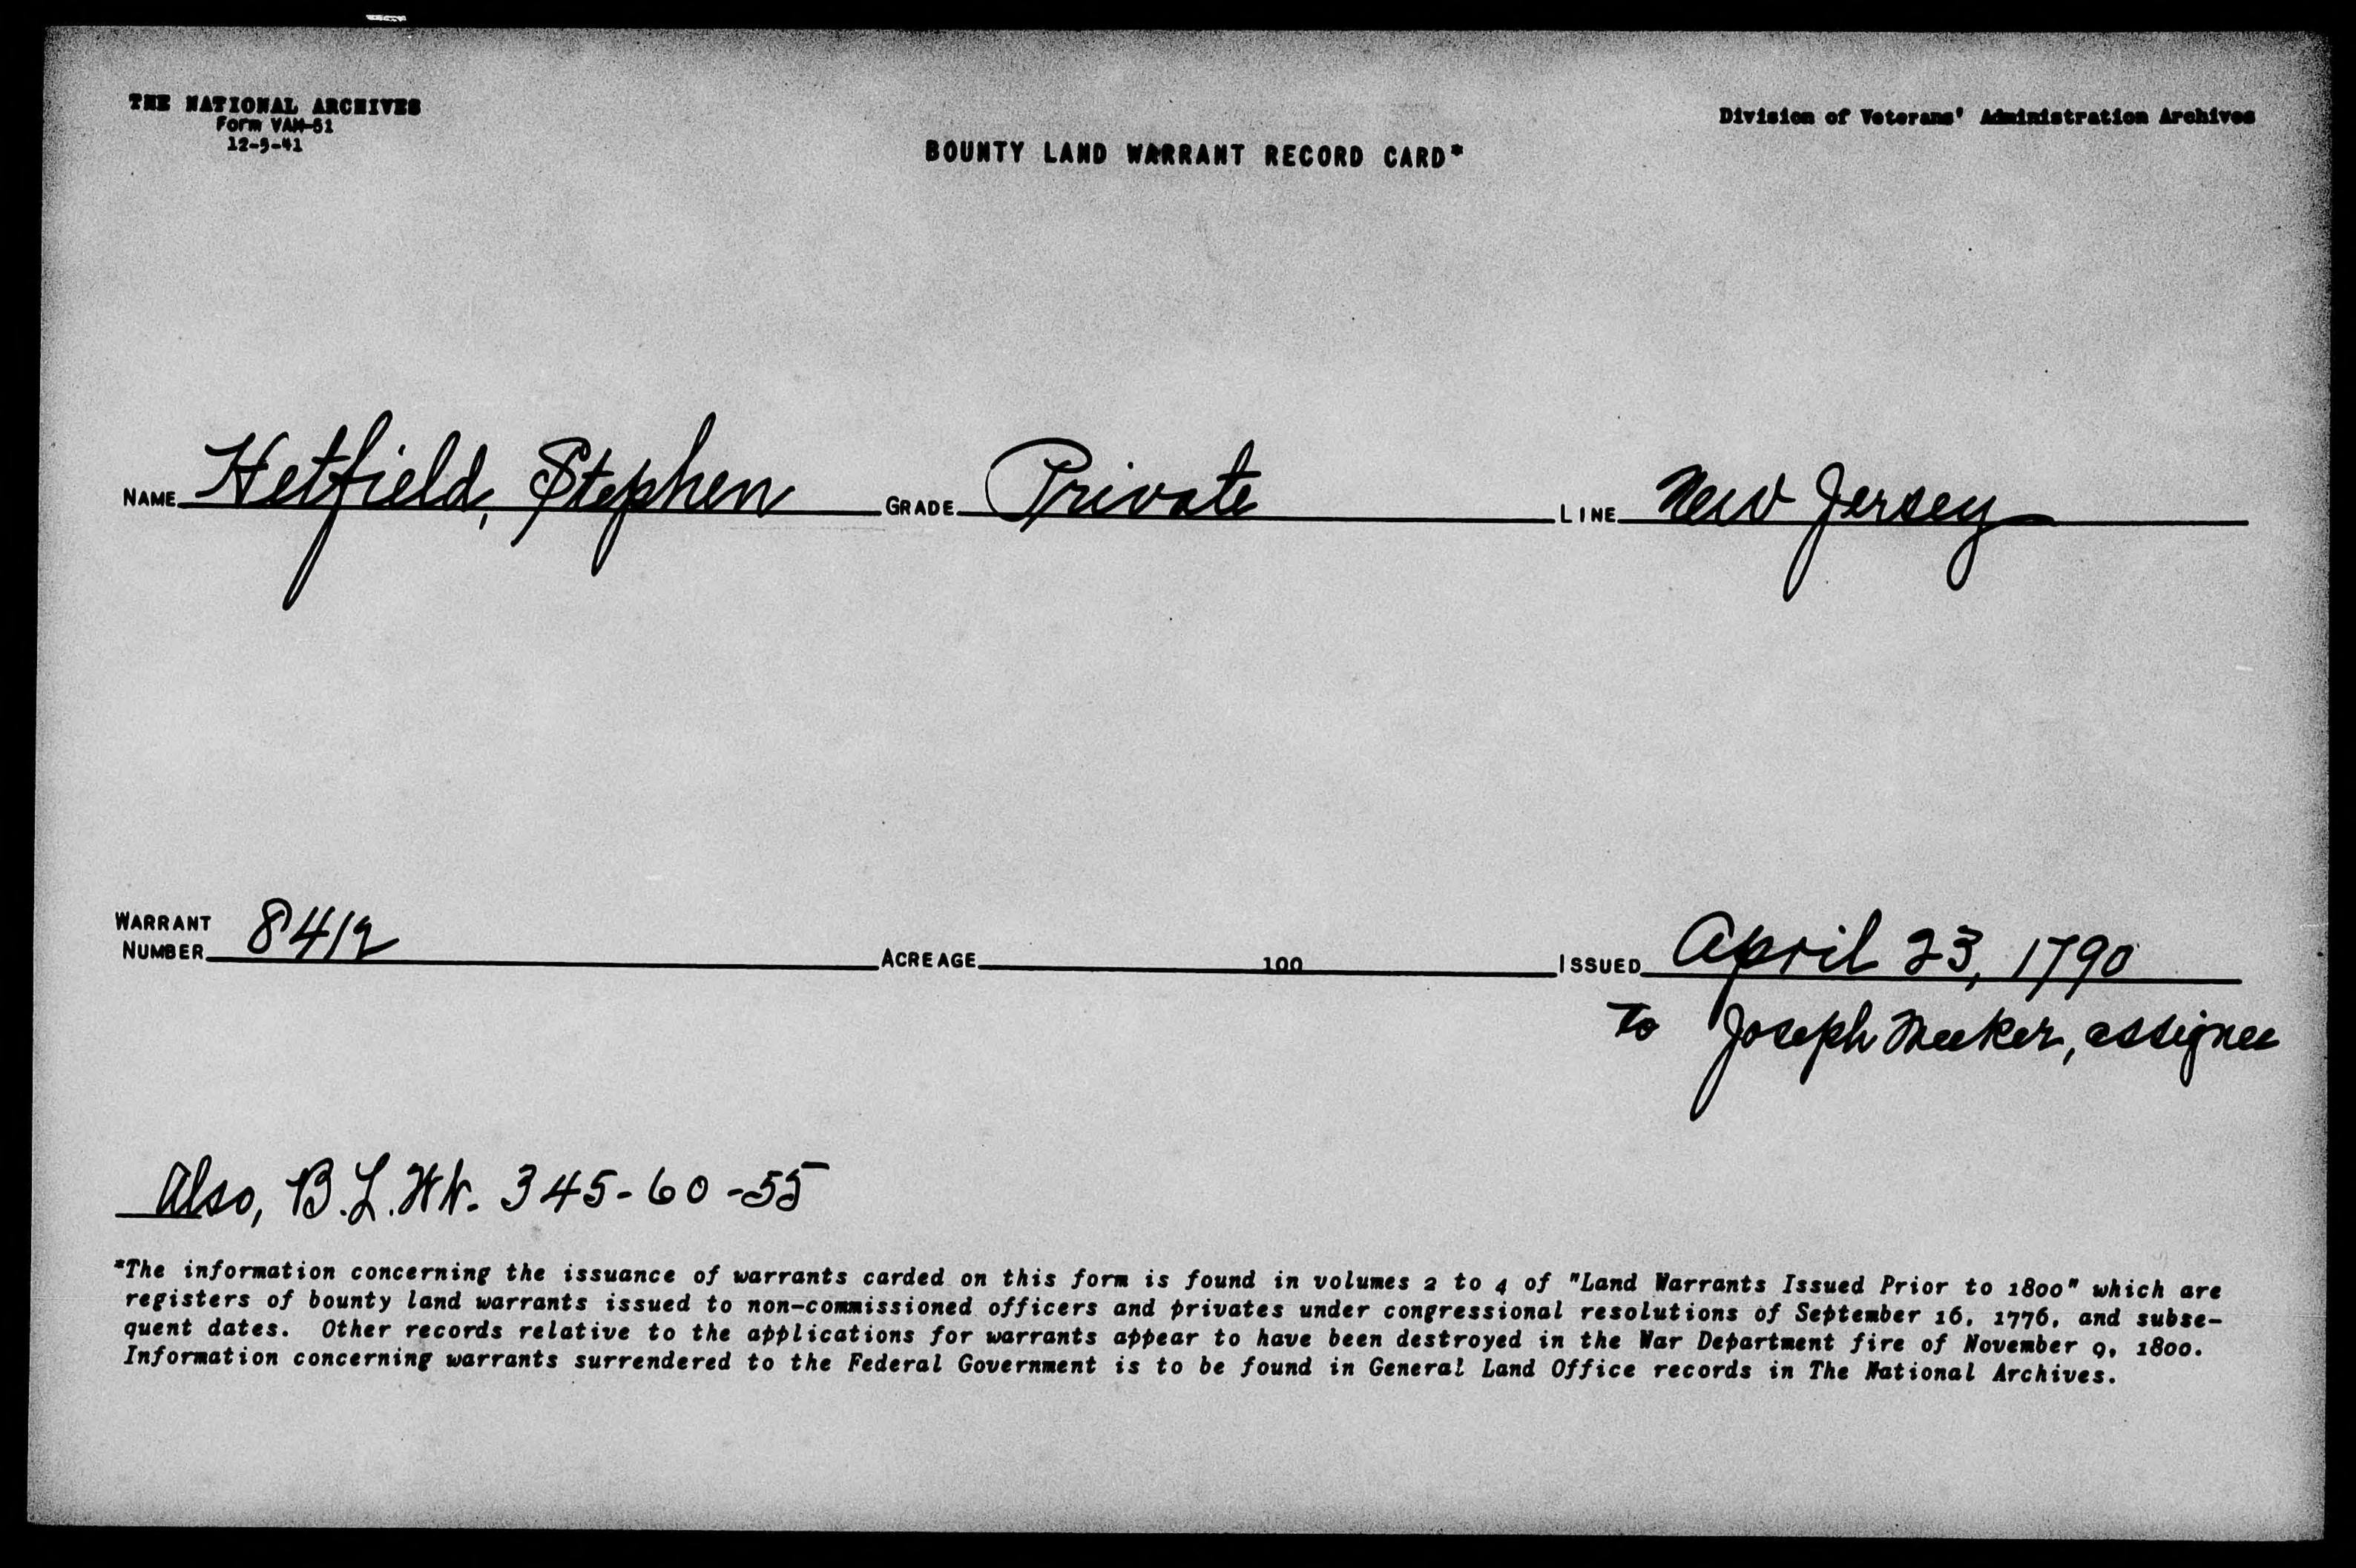The National Archives
Form VAN-61
12-9-41
BOUNTY LAND WARRANT RECORD CARD *

Name  Hetfield, Stephen   Grade  Private  Line  New Jersey

Warrant Number  8412  Acreage  100  Issued April 23, 1790
to Joseph Meeker, Assignee

Also, B.L.W.N.  345-60-55

[The following is printed]

The information concerning the issuance of warrants carded on this
form is found in volumes 2 to 4 of "Land Warrants Issued Prior to
1800" which are

registers of bounty land warrants issued to non-commissioned officers and privates under congressional resolutions of September
16, 1776 and

subsequent dates. Other records relevant to the applications for
warrants appear to have been destroyed in the War Department
fire of November 9, 1800.

Information concerning warrants surrendered to the Federal
Government is to be found in General Land Office records in The
National Archives.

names: Joseph Meeker, Stephen Hetfield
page: 22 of 45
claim: widow's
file: W. 2734, Stephen Hetfield, New Jersey